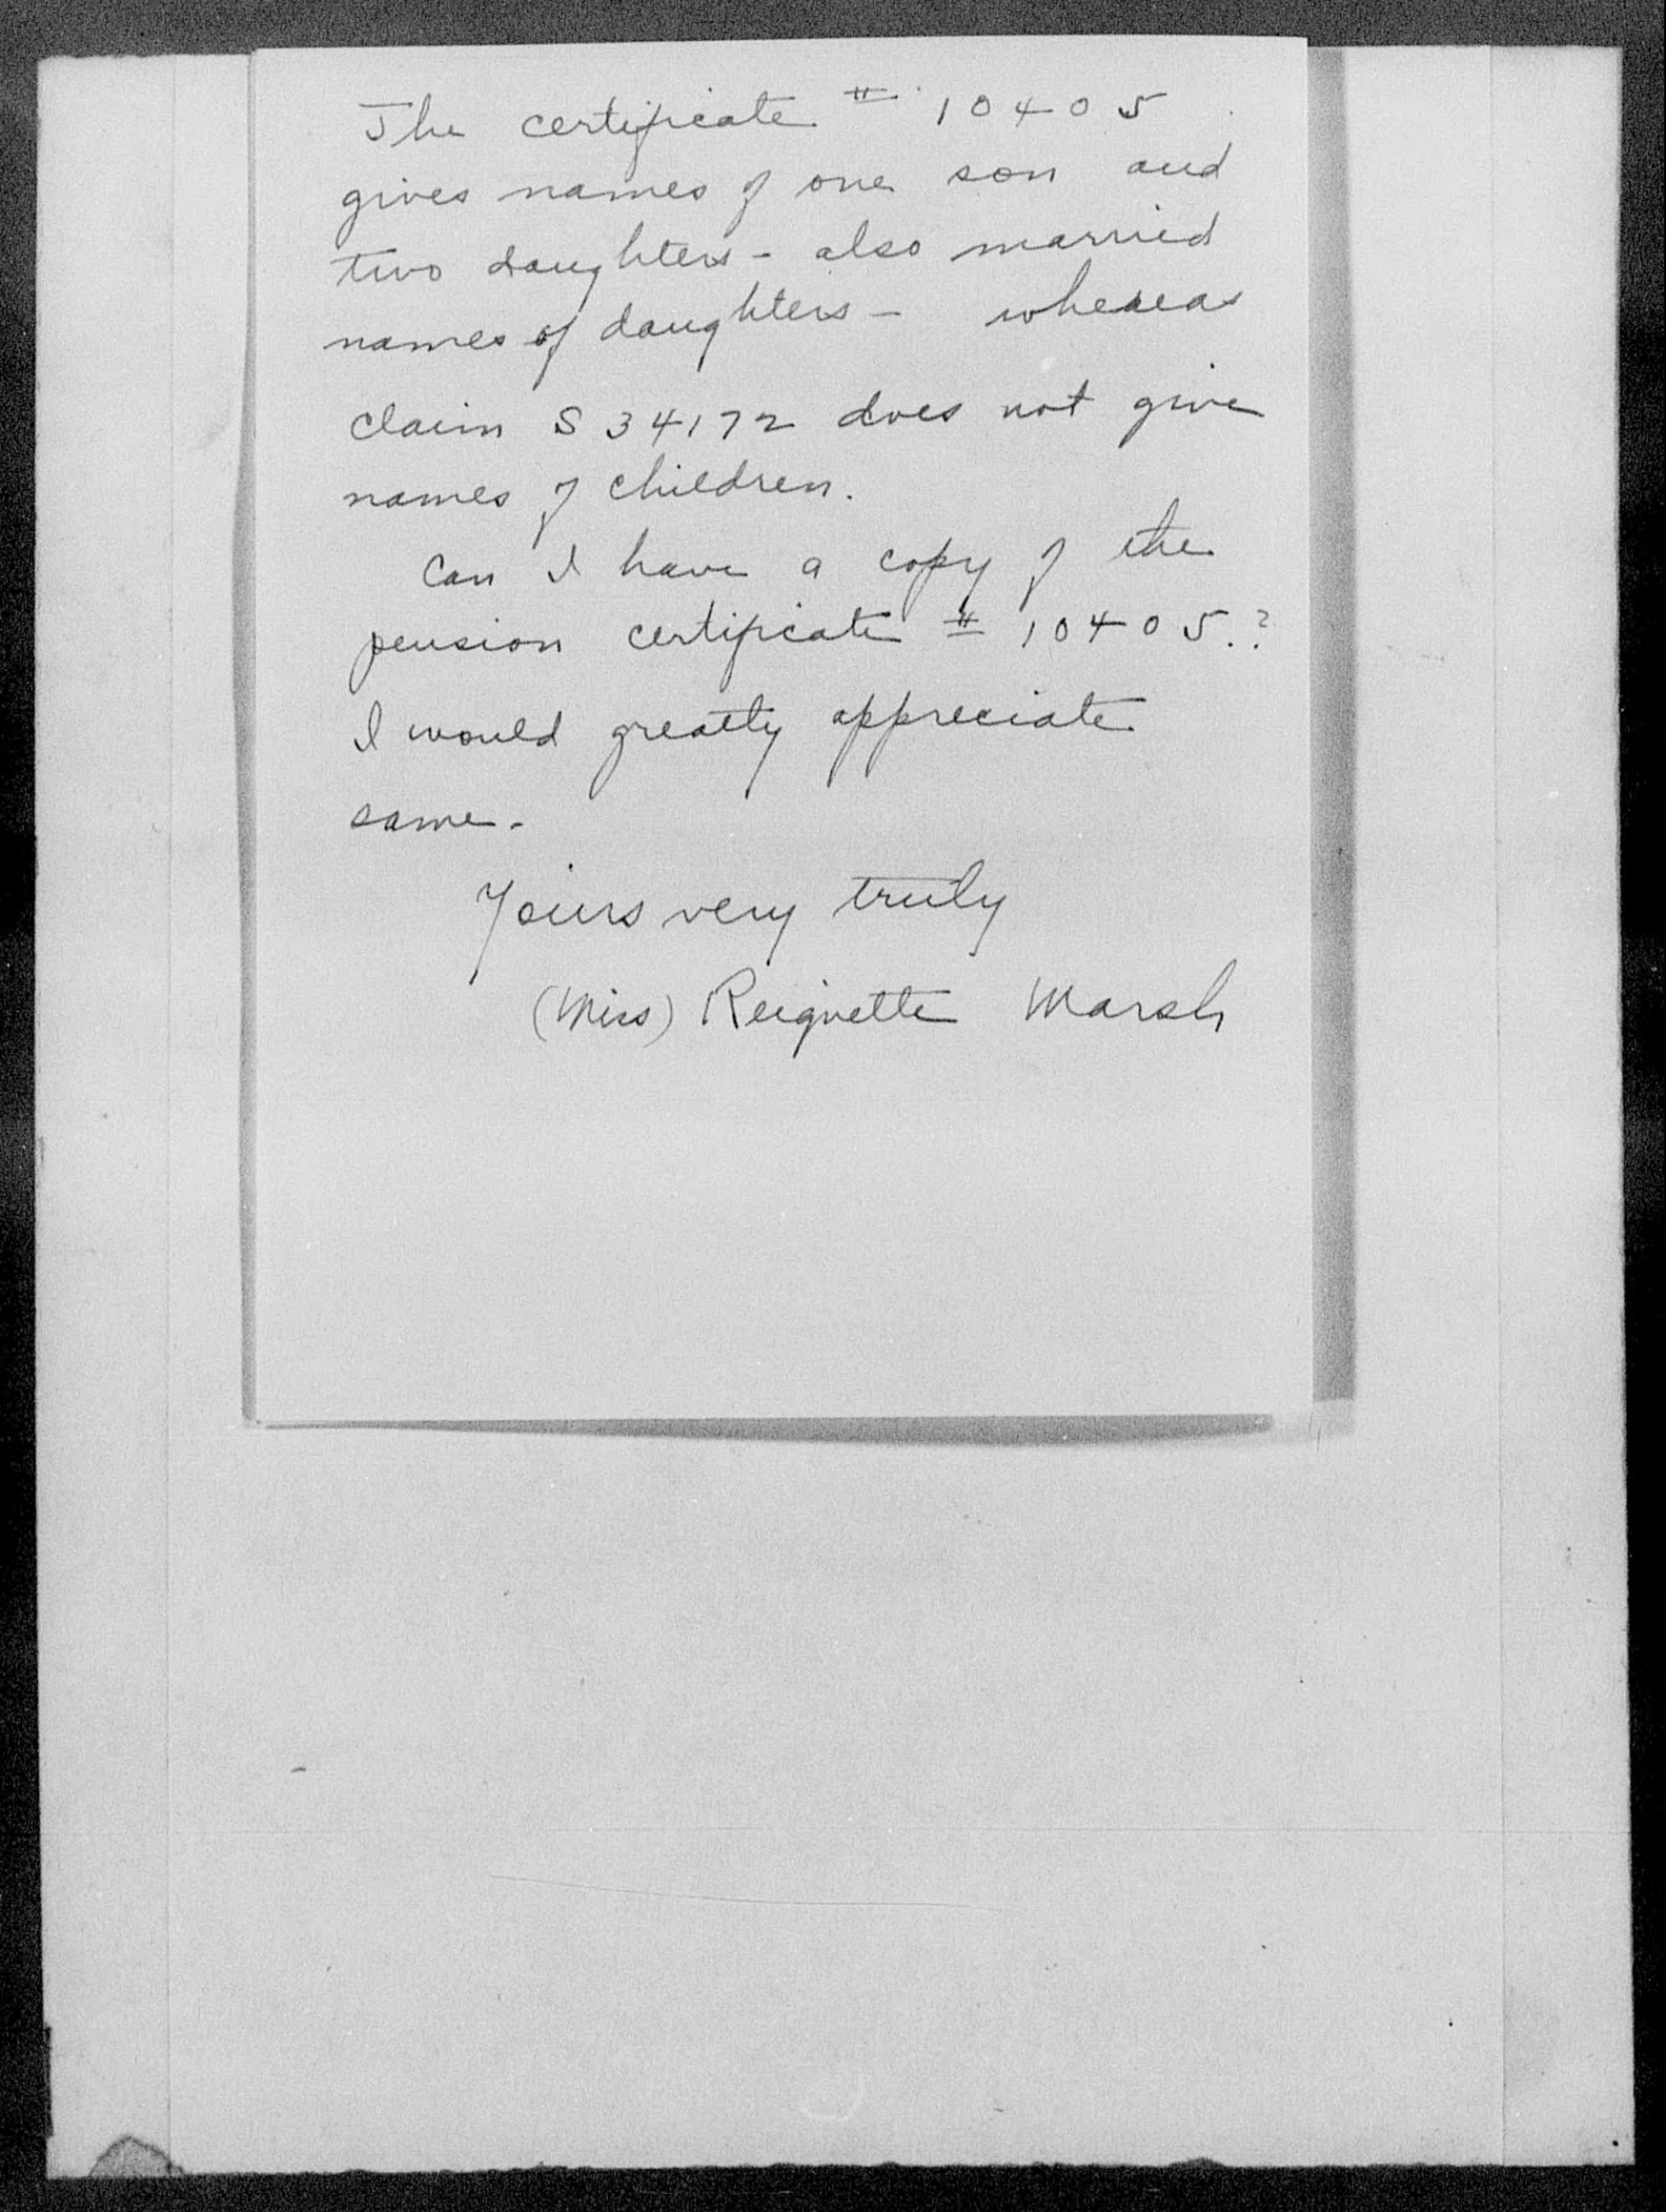The certificate #10405 gives names of one son and two daughters - also married names of daughters - whereas claim S34172 does not give names of children.
   Can I have a copy of the pension certificate #10405? I would greatly appreciate same.
   Yours very truly (Miss) Reignette Marsh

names: Reignette Marsh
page: 44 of 52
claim: survivor's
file: S. 34172, Morris D Camp, Continental (New Jersey)